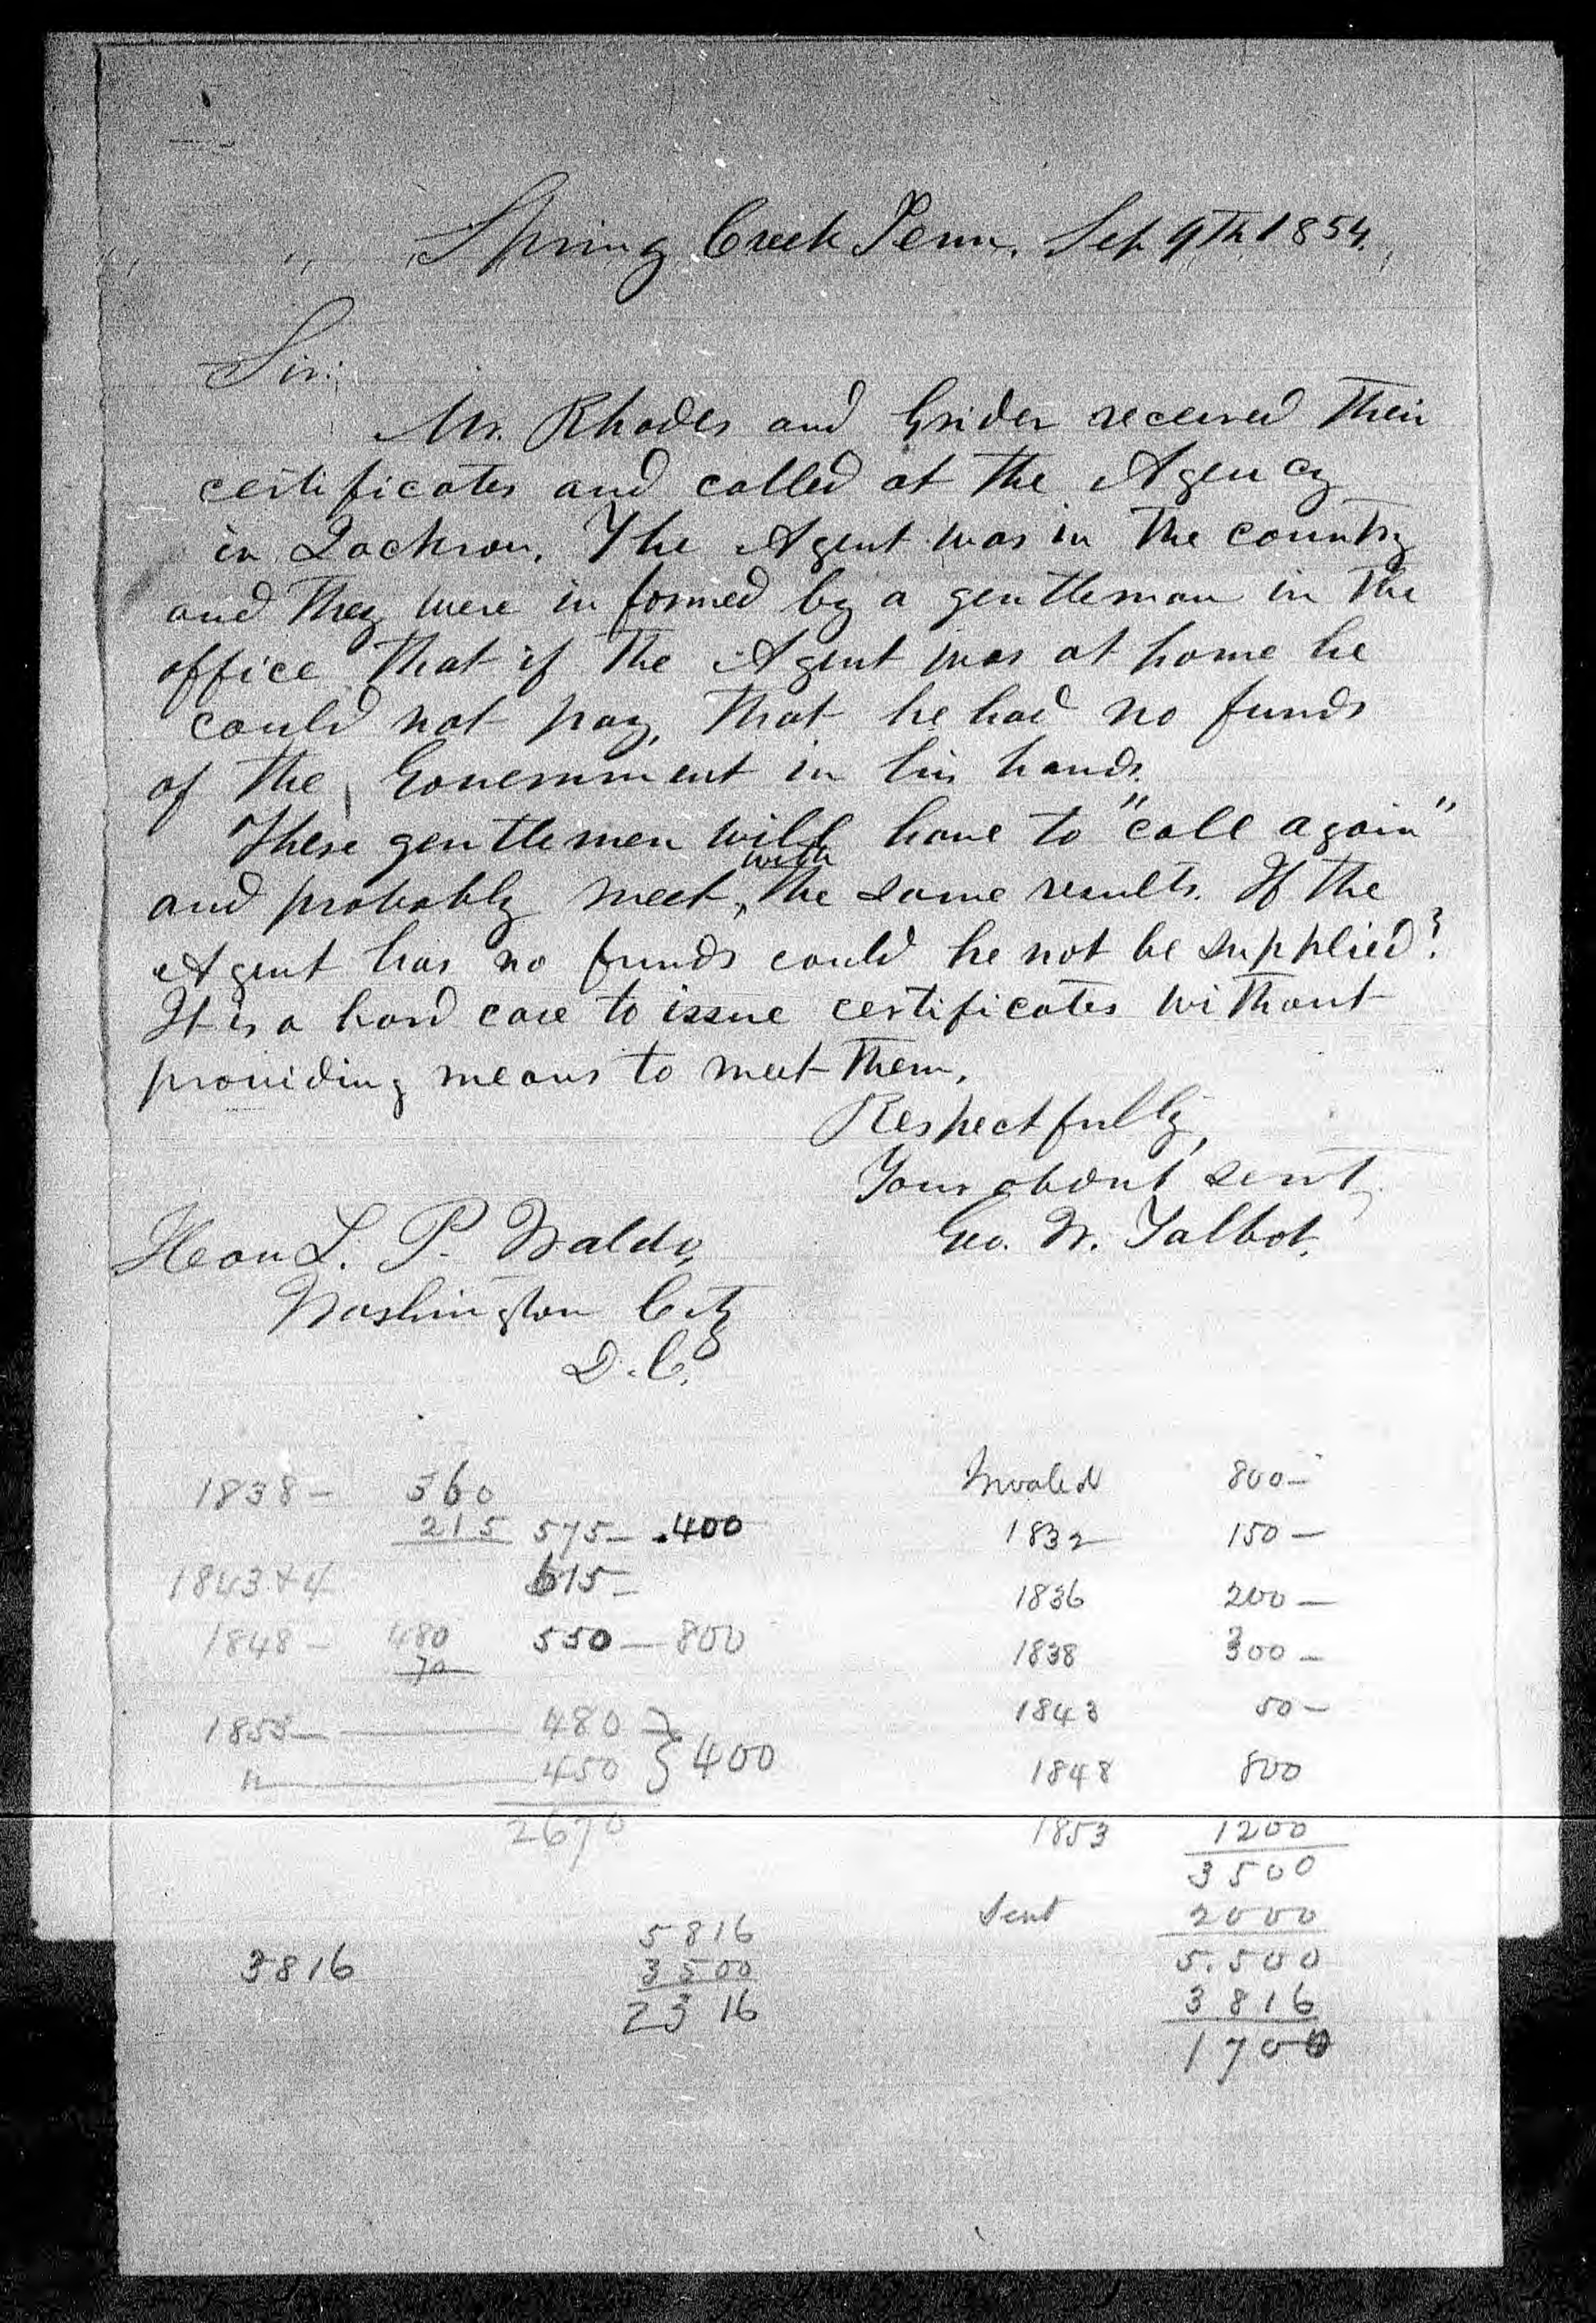Spring Creek Tenn. Sep 9th 1854

Sir,
     Mr. Rhodes and Grider received their certificates and called at the Agency in Jackson. The Agent was in the County and they were informed by a gentleman in the office that if the Agent was at home he could not pay, that he had no funds of  of the Government in his hands.
These gentlemen will have to "call again" and probably meet with the same results. If the Agent has no funds could he not be supplied? It is a hard case to issue certificates without providing means to meet them.
Respectfully 
Your Obent Servt
Geo. W. Talbot

Hon L. P. Waldo
Washington City
DC

1830 - 360
             215      575-   400
1843 + 4          615
1848 -  480     550 - 800
1853-               480
 "                       450-  400
                       2670

Invalid        800-
1832           150-
1836           200-
1838           300-
1843             50-
1848           800
1853           1200
                   3500
   sent         2000
                   5500
                   3816
                   1700

3816               5816
                        3500
                        2316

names: L P Waldo, Geo W Talbot, Rhodes, Grider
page: 73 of 91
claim: widow's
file: W 358, John Grider, N.C.